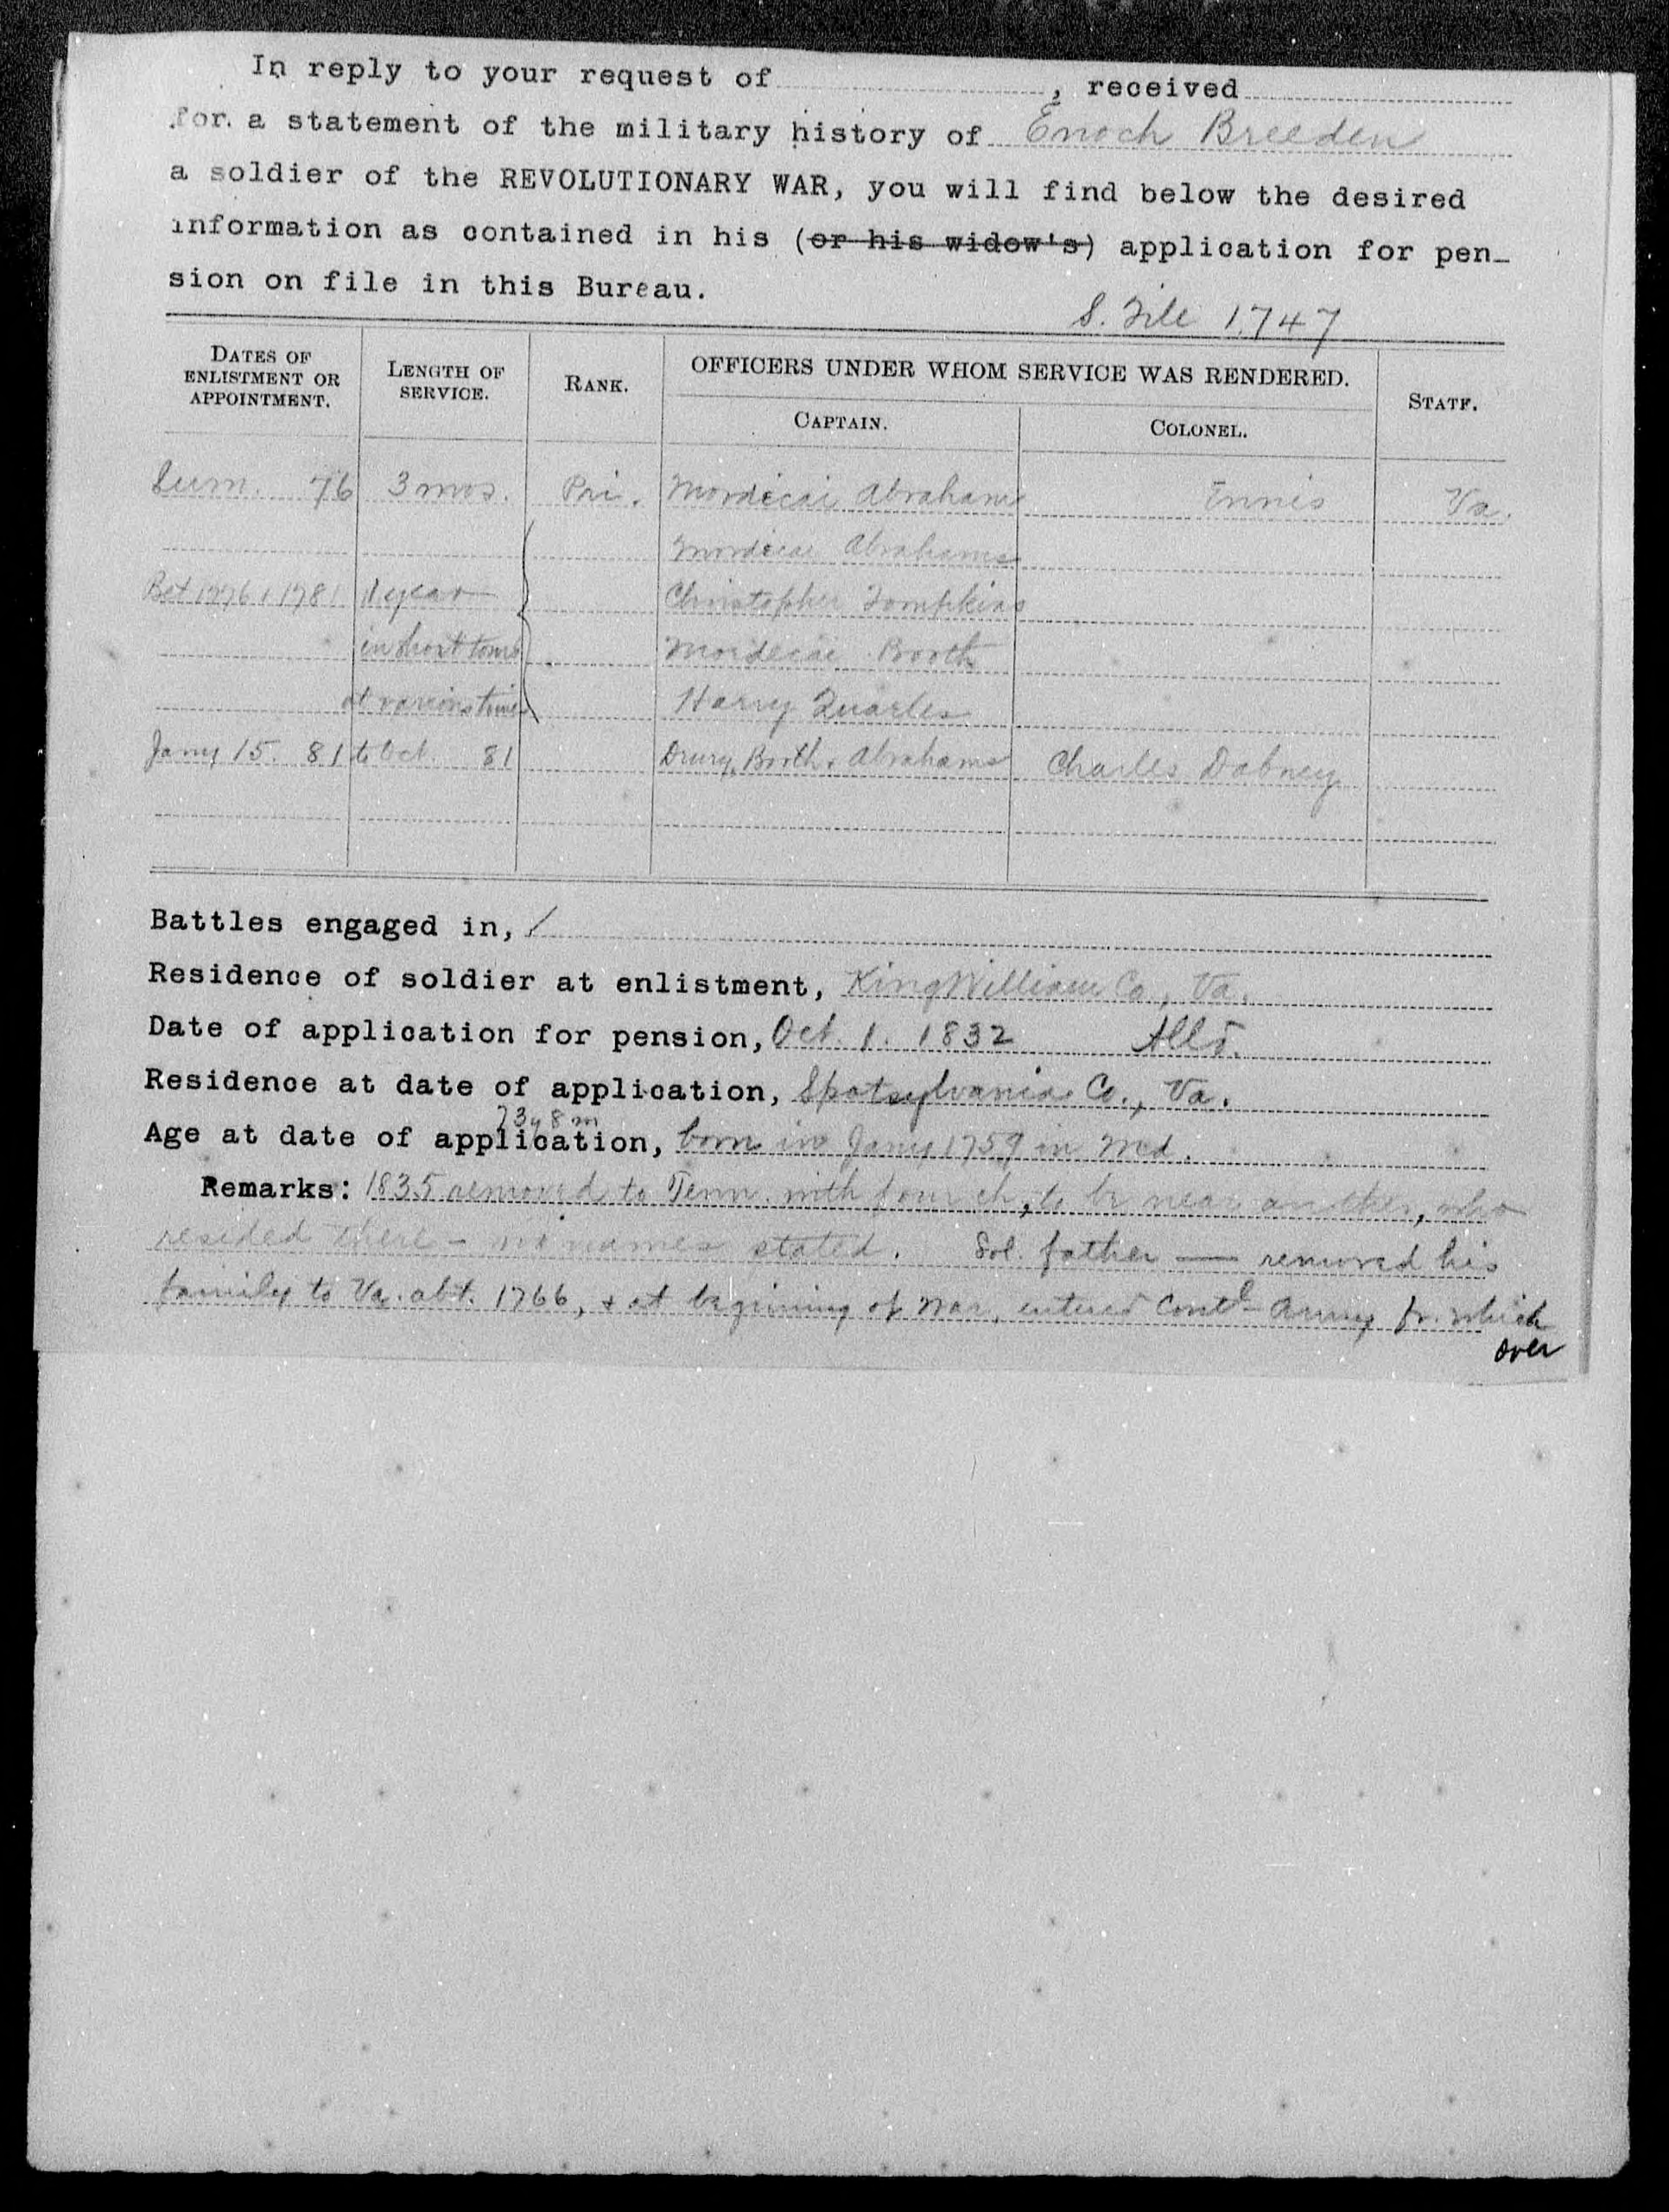In reply to your request of——, received———for a statement of the military history of Enoch Breeden a soldier of the REVOLUTIONARY WAR, you will find below the desired information as contained in his (or his widow's) application for pension on file in this Bureau. 

S. File 1747 
DATES OF ENLISTMENT OR APPOINTMENT. 
Sum 76 | Bet 1776 & 1781 | Janry 15 81

LENGTH OF SERVICE
3 mos. | 1 year in short terms at various times | to Oct 81

RANK. 
Priv.

OFFICERS UNDER WHOM SERVICE WAS RENDERED. 
CAPTAIN.
Mordecai Abrahams | Mordecai Abrahams | Christopher Tompkins | Mordecai Booth | Harry Quarles | Drury, Booth, Abrahams 
COLONEL. 
Ennis | Charles Dabney 
STATE. 
Va

Battles engaged in, /
Residence of soldier at enlistment, King William Co, Va. 
Date of application for pension, Oct. 8 1832 
Residence at date of application, Spotsylvania Co, Va. 
Age at date of application, 73y 8mo  born in Jany 1759 in Md. 
Remarks: 1835 removed to Tenn. with four ch, to be near another, who resided there-- no names stated. Sol. father - removed his family to Va. abt 1766, & at beginning of War, entered Cont Army for which -over-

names: Harry Quarles, Enoch Breeden, Ennis, Booth, Drury, Abrahams, Charles Dabney, Mordecai Abrahams, Christopher Tompkins, Mordecai Booth, Mordecai Abraham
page: 26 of 27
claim: survivor's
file: S. 1747, Enoch Breeden, Va.